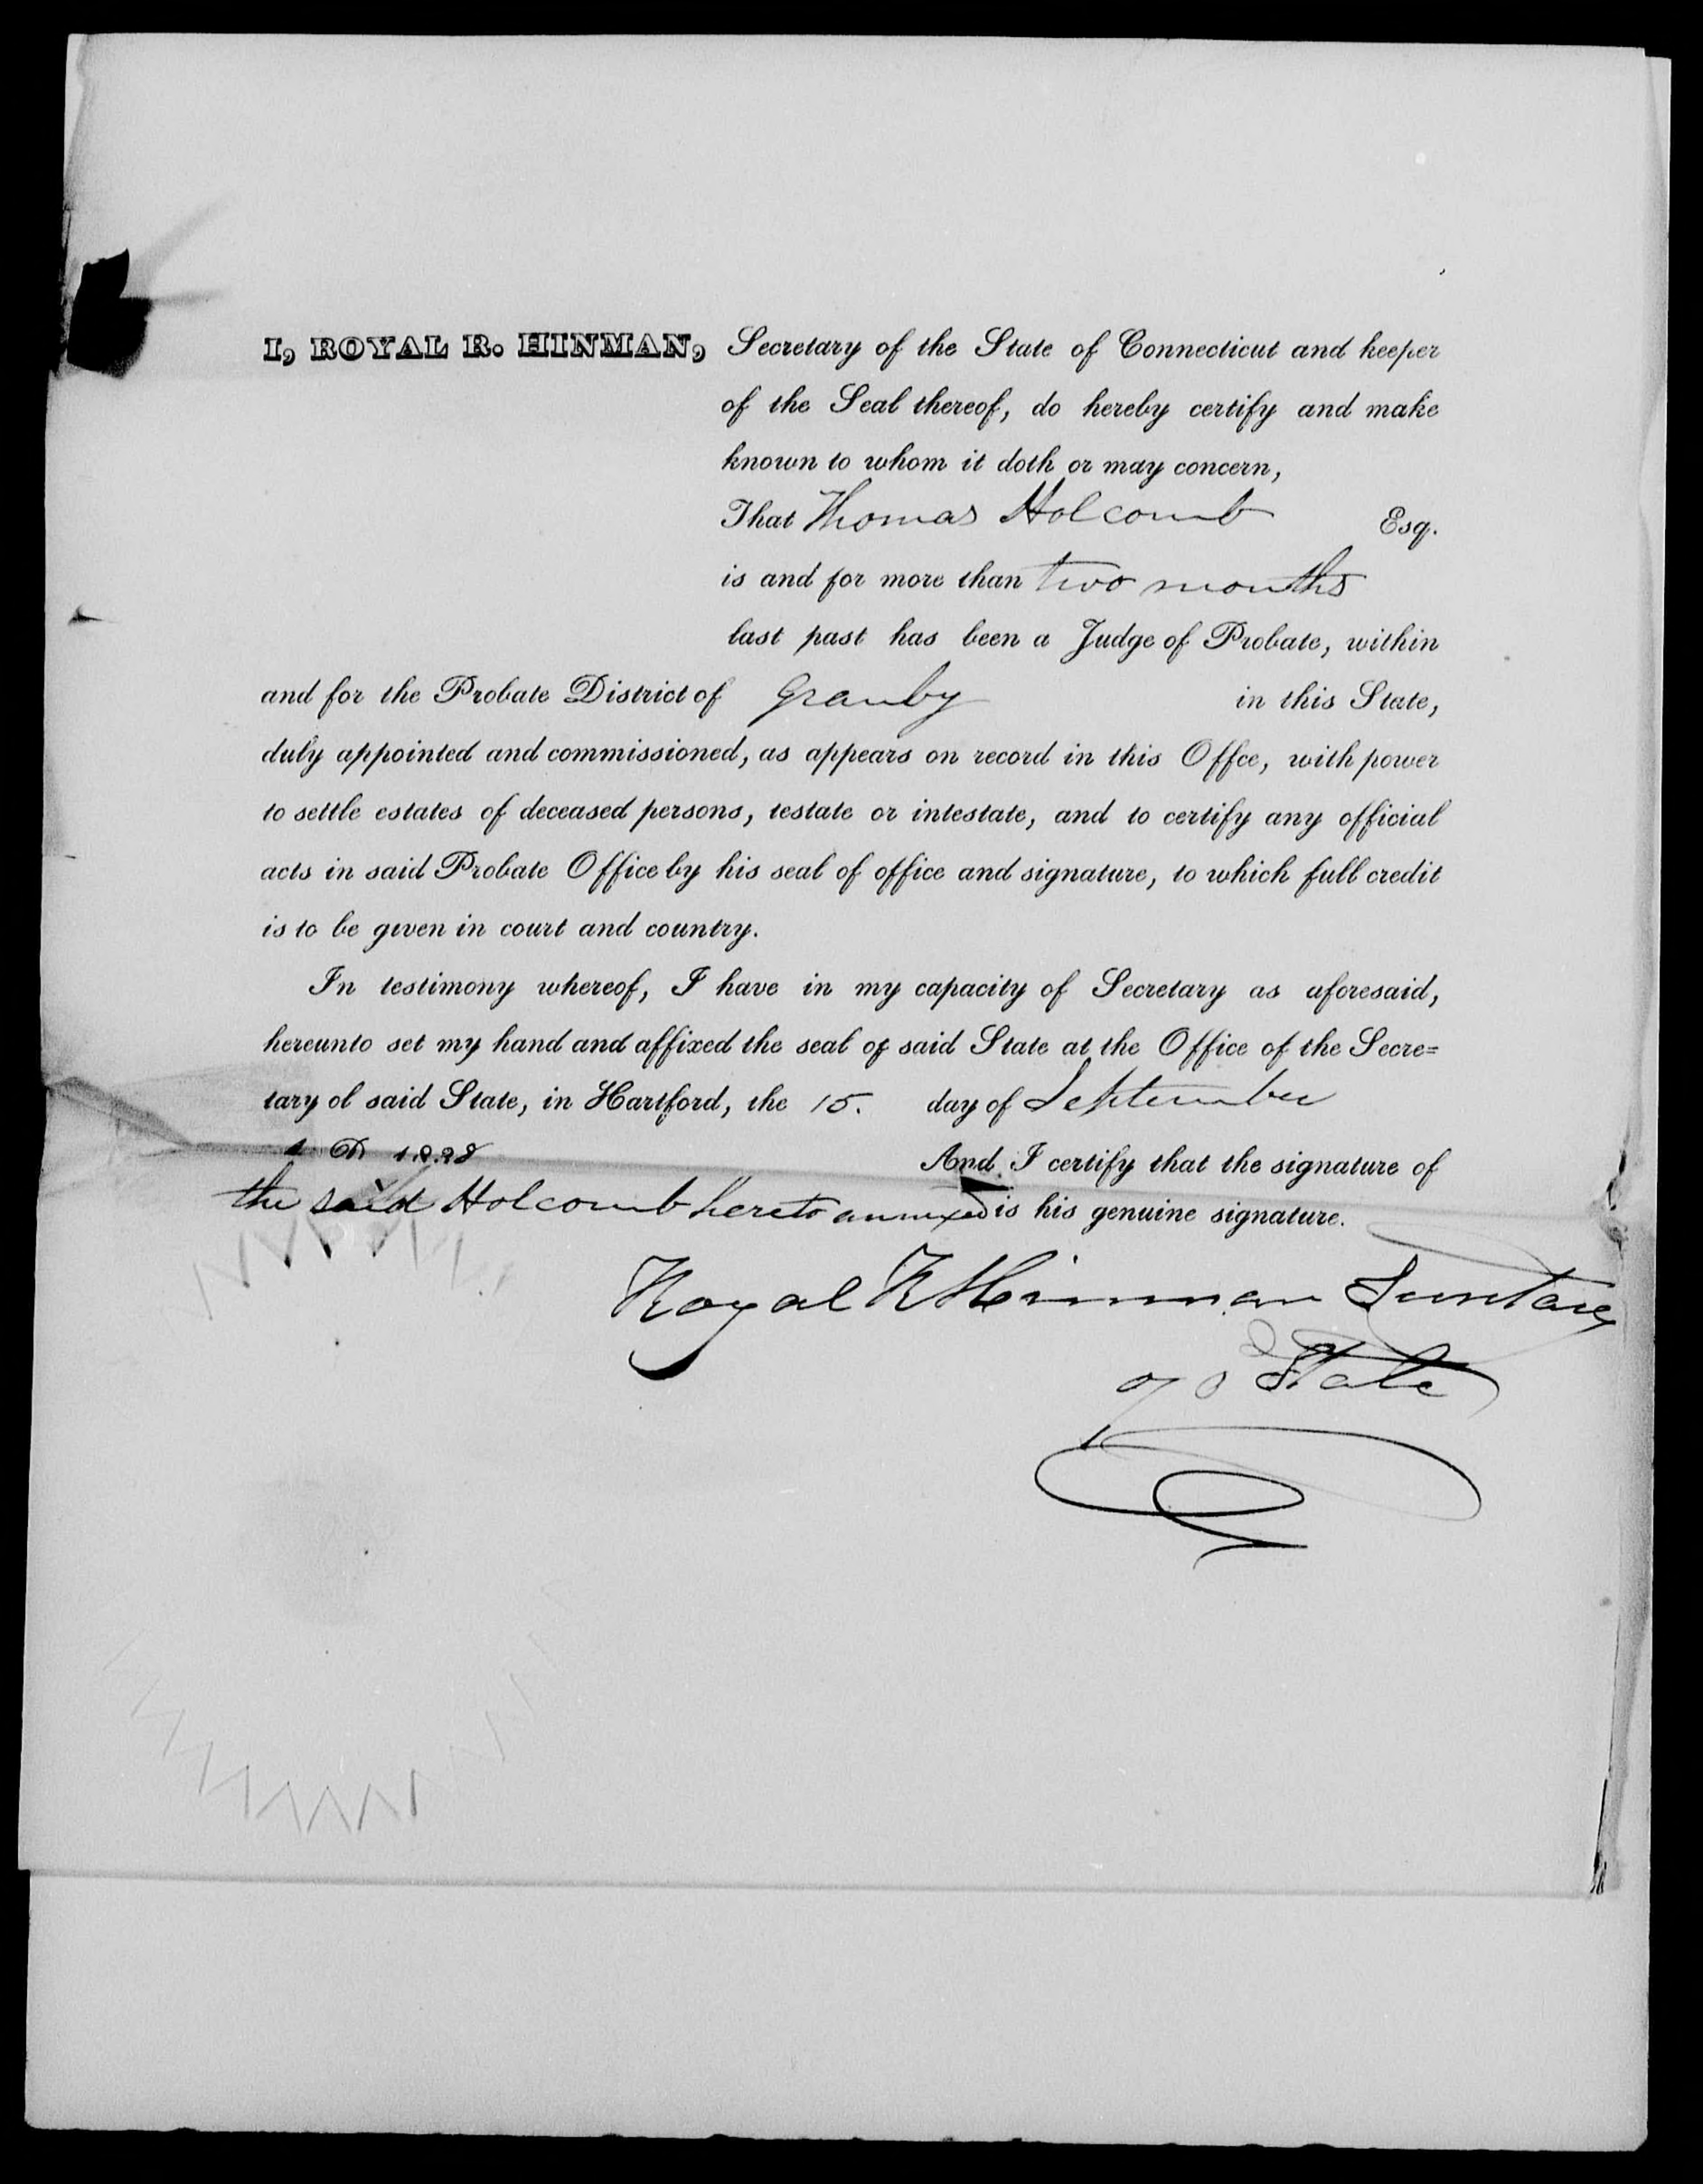[printed form completed in handwriting]
I, Royal R. Hinman, Secretary of the State of Connecticut, and keeper of the Seal thereof, do hereby certify and make known to whom it doth or may concern,
That Thomas Holcomb Esq is and
for more than two months last past, has a Judge of Probate within and for the Probate District of Granby in this State, duly appointed and commissioned, as appears on record in this Office, with power to settle estates of deceased persons, testate or intestate, and to certify any official acts in said Probate Office by his seal of office and signature, to which full credit is to be given in court and country.

In testimony whereof, I have in my capacity of Secretary as aforesaid, hereunto set my hand, and affixed the seal of said State at the Office of the Secretary of said State, in Hartford, the 15 day of September A.D. 1838.
And I certify that the signature of the said Holcomb is his genuine signature.
[signed] Royal R Hinman Secretary of sd State
[to the left is a large seal– print is illegible]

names: Royal R Hinman, Thomas Holcomb, Holcomb, Royal R Hinman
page: 16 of 26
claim: widow's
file: W. 14483, Reuben Clark, Conn.